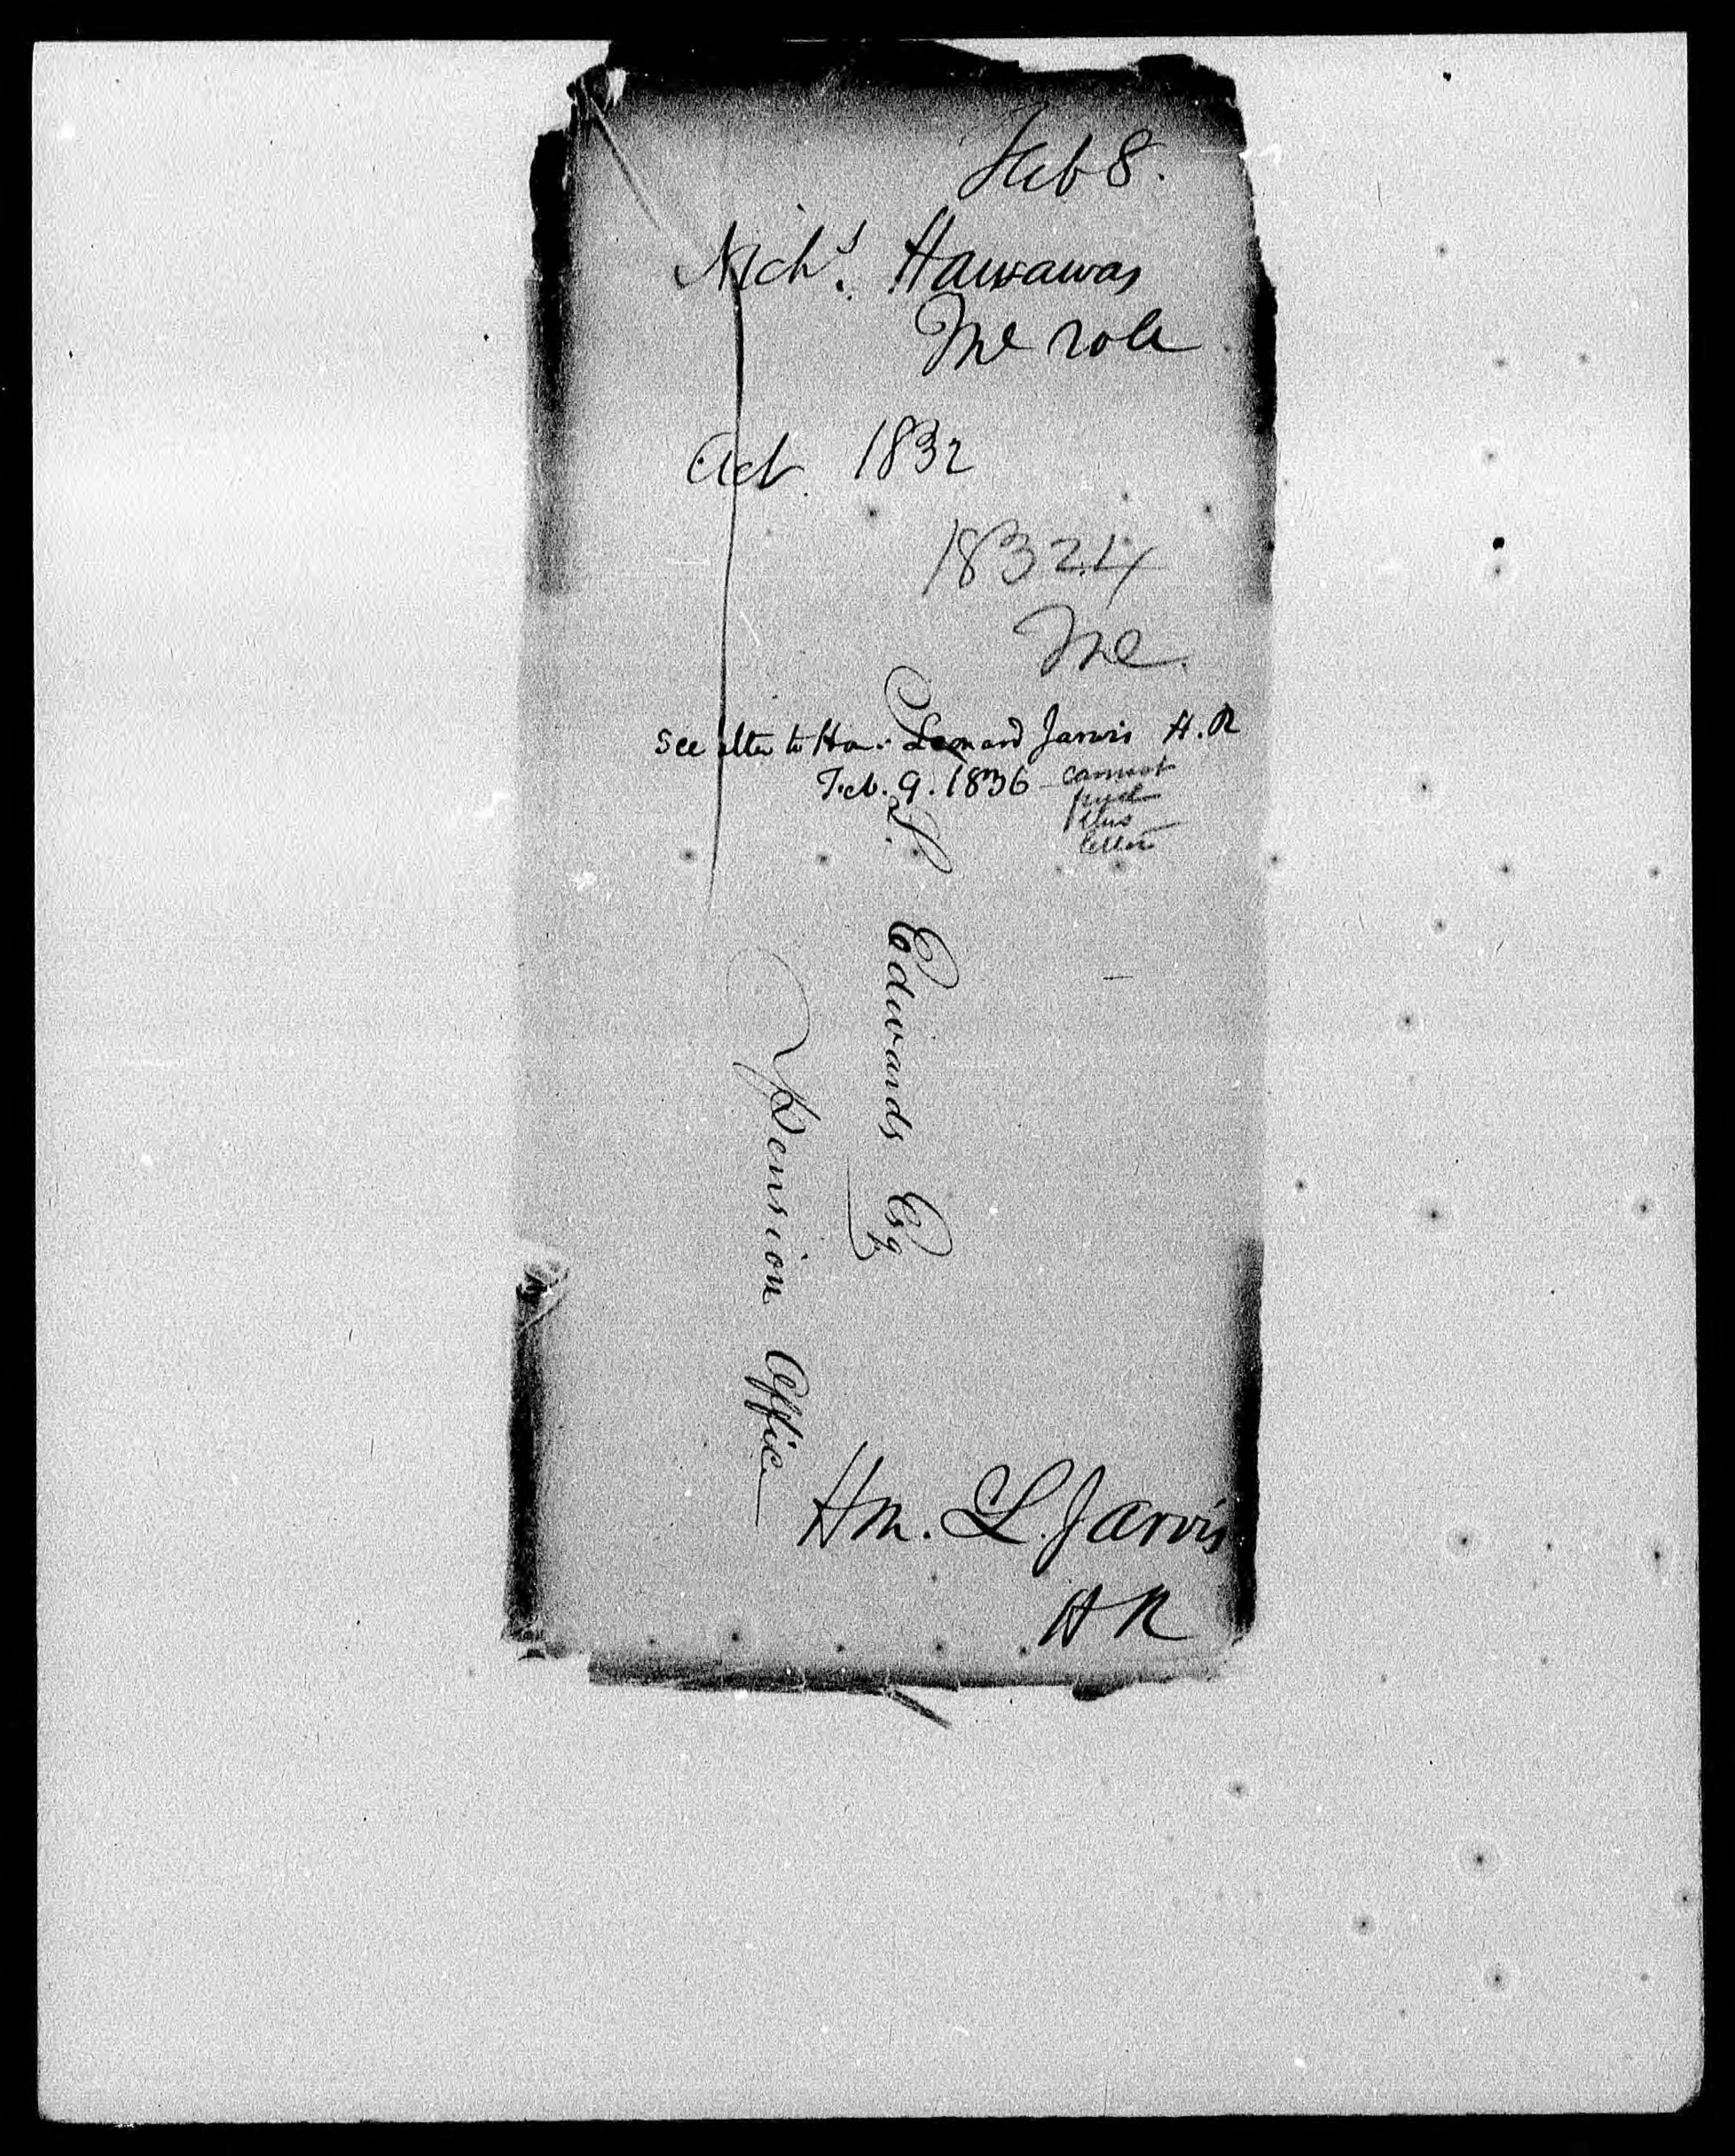Feb 8

Nichs. Hawawas
Me roll

Act 1832

18324
Me

See [l]etter to Ha. Leonard [Jarvis?] H. R
Feb. 9. 1836 – cannot
find
this
letter

Hnr. L. Jarvis
[AR?]

[written vertical over previous texts]
J. L. Edwards Esq.
Pension Office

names: Nichs Hawawas, J L Edwards, L Jarvis, Leonard Jarvis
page: 18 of 52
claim: survivor's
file: S 17997, Nicholas Hawwawas, Mass.